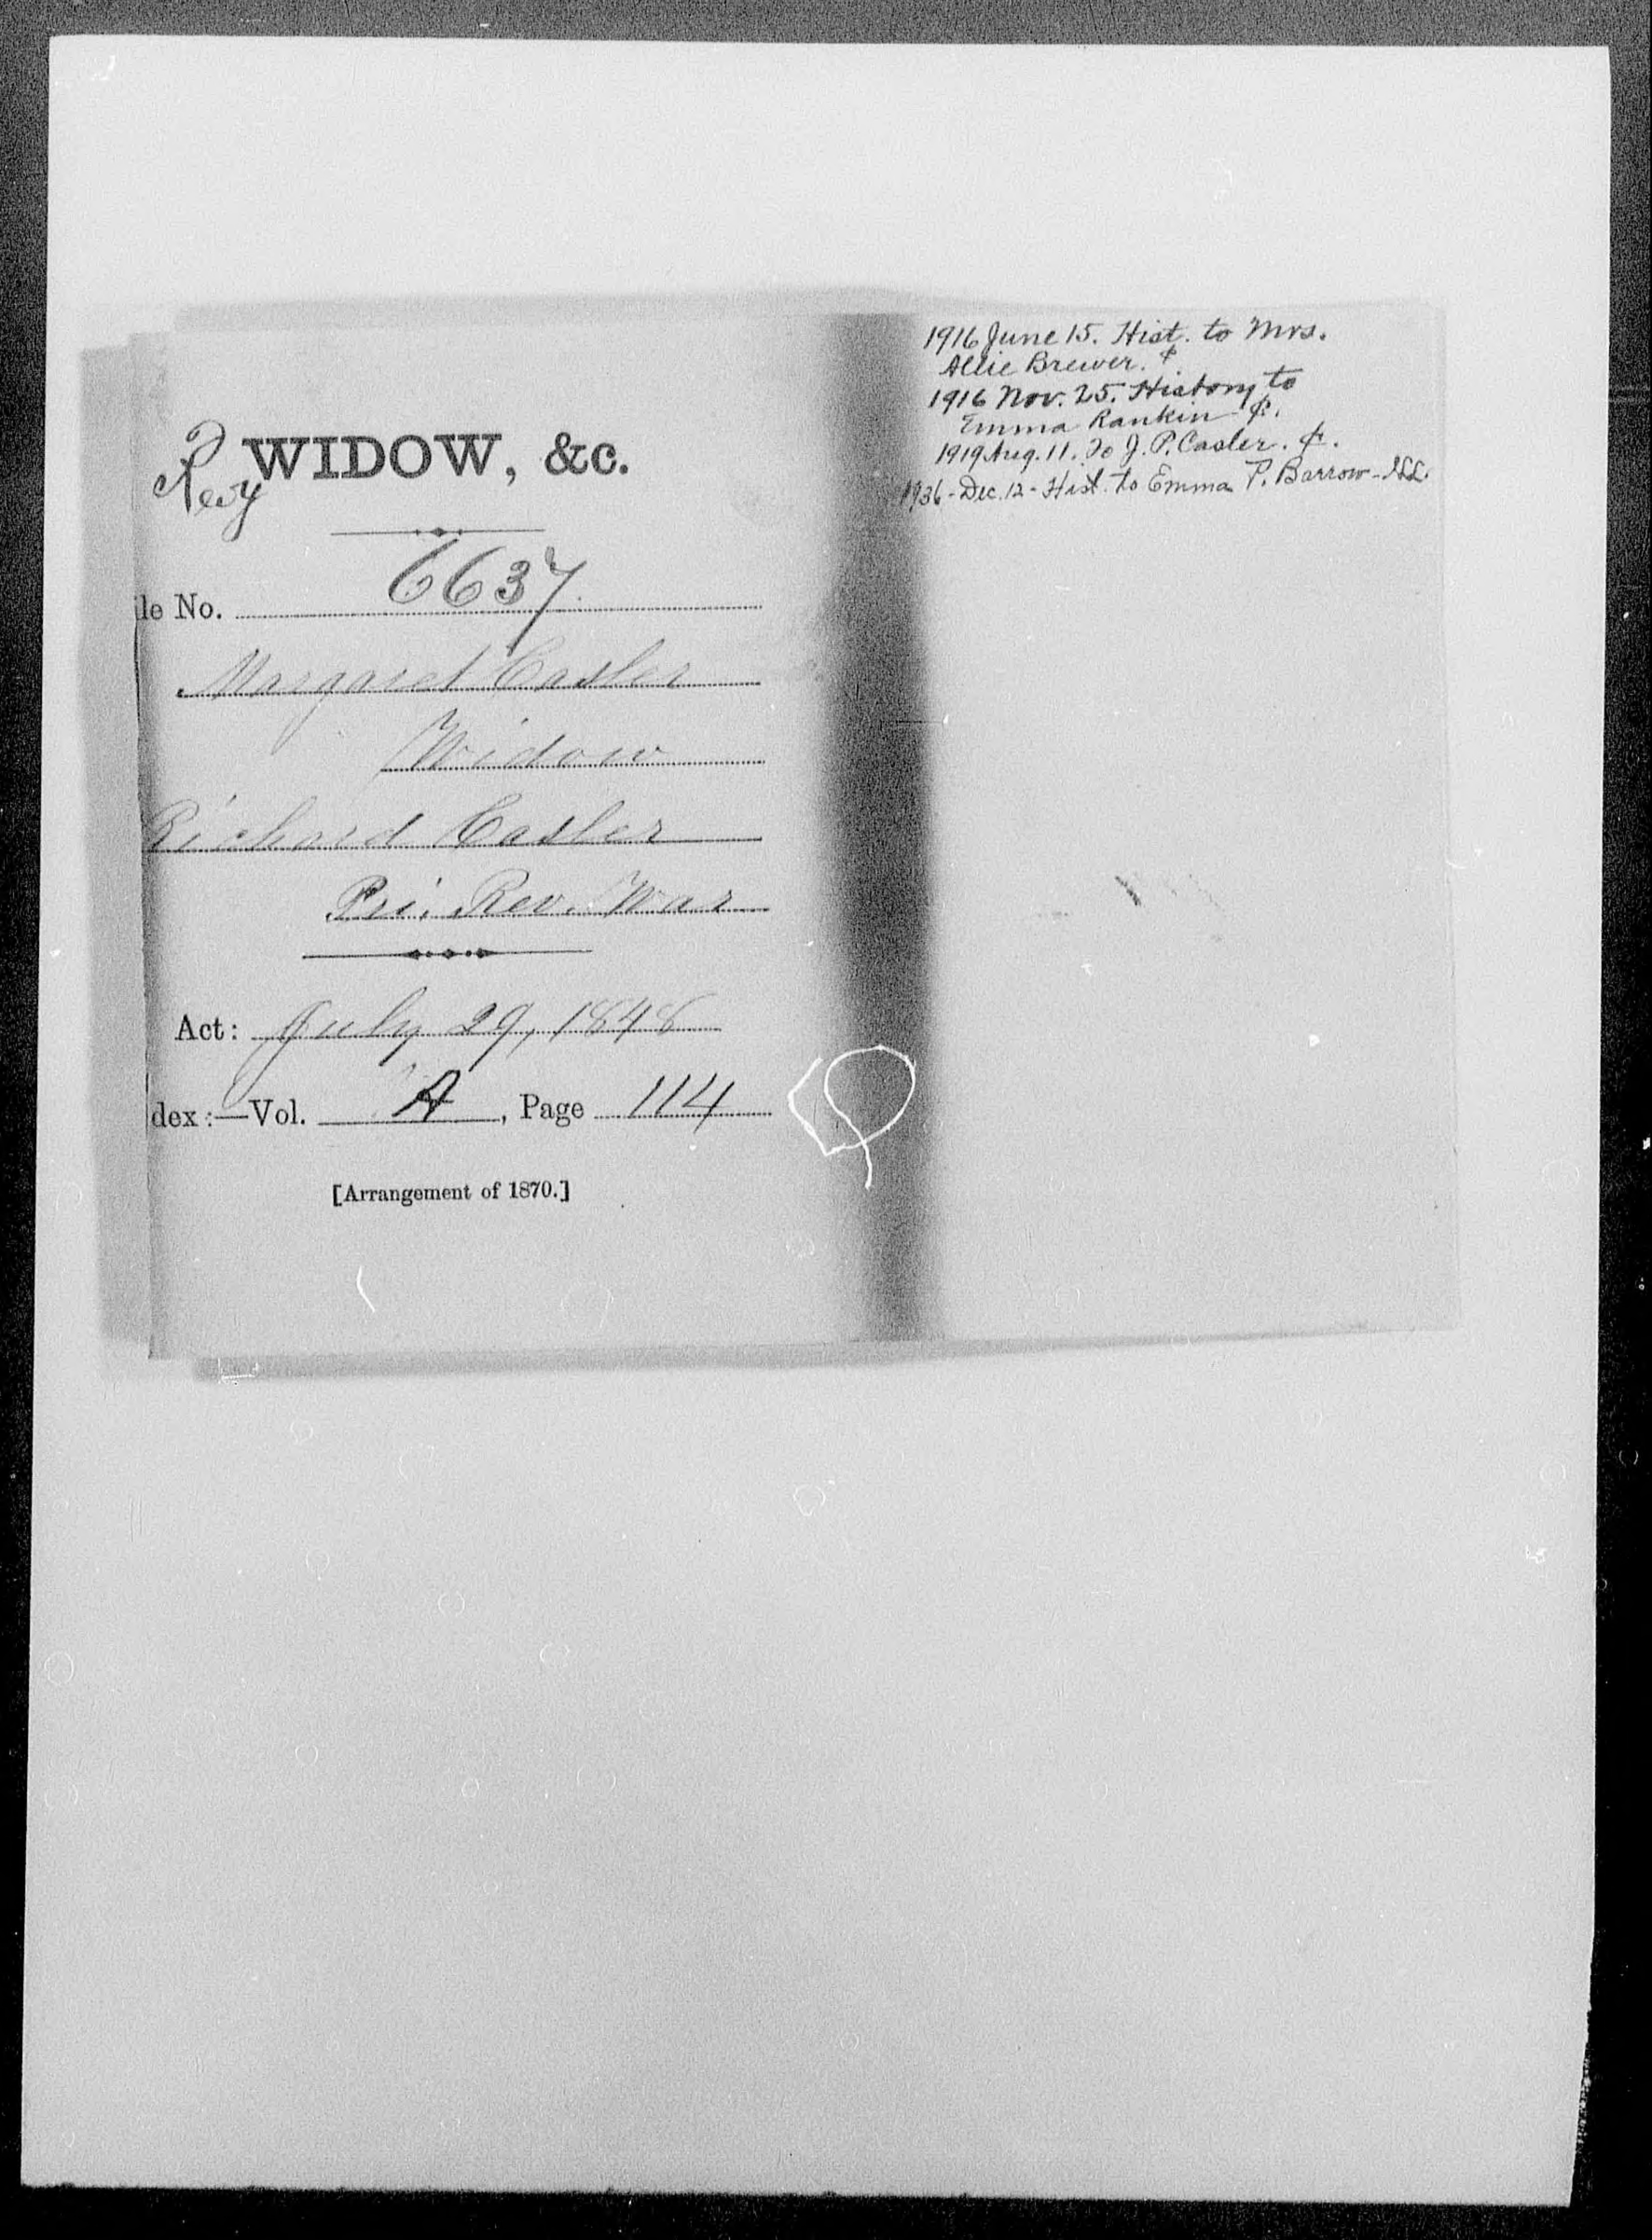Revy WIDOW, &c. 
File No. 6637
Margaret Casler Widow Richard Casler
Pri  Rev.  War 

Act: July 29, 1848 
Index:-- Vol. A, Page 114 
{Arrangement of 1870.} 


1916 June 15. Hist. to Mrs. Allie Brewer. ¢.
1916 Nov. 25. History to Emma Rankin ¢.
1919 Aug. 11. To J.P. Casler. ¢.
1936 Dec. 12 - Hist. to Emma P. Barrow -  ILL.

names: Margaret Casler, Richard Casler, Emma P Barrow, J P Casler, Allie Brewer, Emma Rankin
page: 30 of 66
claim: widow's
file: W. 6637, Richard Caslar, New York